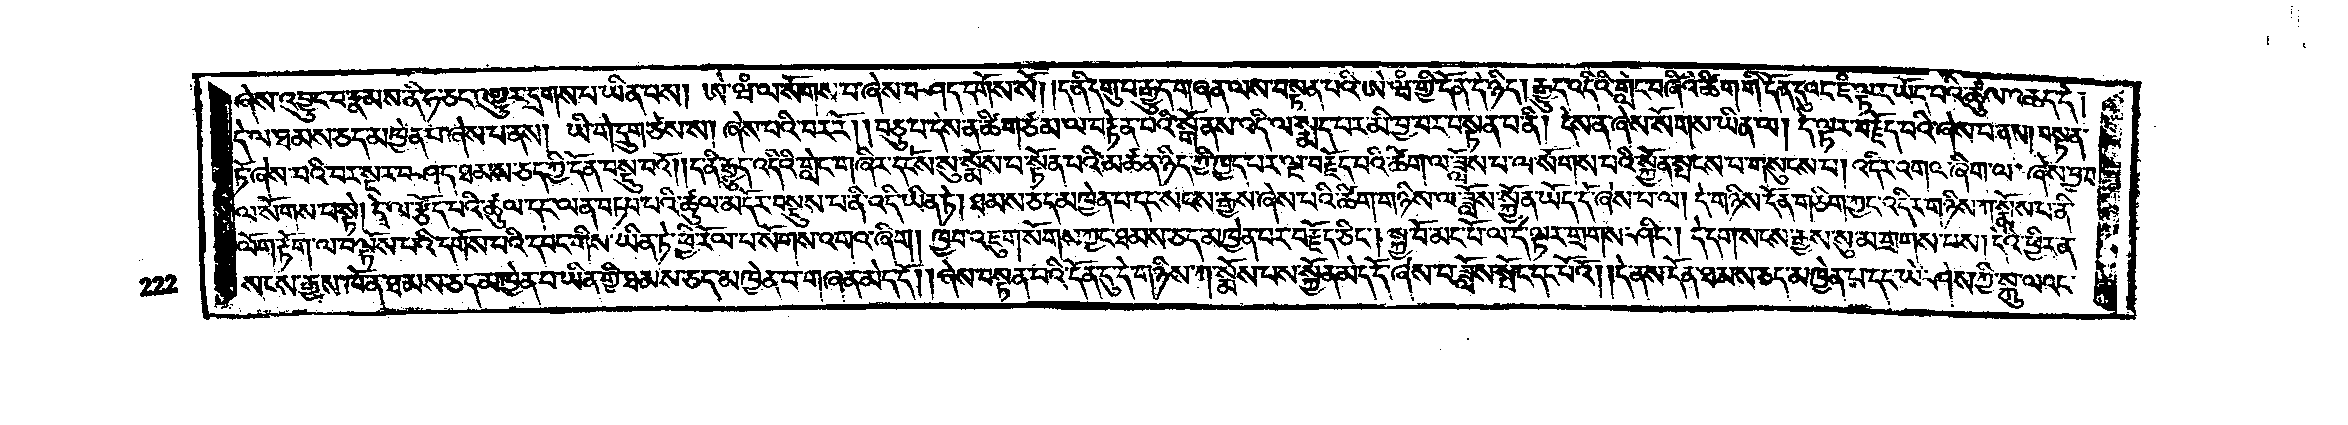ཞེས་འབྱུང་བ་རྣམས་ནི་ཧ་ཅང་འགྱུར་དྲགས་པ་ཡིན་པས། ཨེ་ཝཾ་ལ་སོགས་པ་ཞེས་བཤད་དགོས་སོ། །ད་ནི་དགུ་པ་རྒྱུད་གཞན་ལས་བསྟན་པའི་ཨེ་ཝཾ་གྱི་དོན་དེ་ཉིད། རྒྱུད་འདིའི་གླེང་བཞིའི་ཚིག་གི་དོན་དུའང་ཇི་ལྟར་ཡོད་པའི་ཚུལ་འཆད་དེ།
དེ་ལ་ཐམས་ཅད་མཁྱེན་པ་ཞེས་པ་ནས། ཡི་གེ་དྲུག་ཅེས་ས། ཞེས་པའི་བར་རོ། །བཅུ་པ་དེས་ན་ཚིག་ཙམ་ལ་བརྟེན་པའི་སྒོ་ནས་འདི་ལ་སྨད་པར་མི་བྱ་བར་བསྟན་པ་ནི། དེས་ན་ཞེས་སོགས་ཡིན་ལ། དེ་ལྟར་བརྗོད་པའི་ཞེས་པ་ནས། བསྟན་
ཏོ་ཞེས་པའི་བར་སྔར་བཤད་ཐམས་ཅད་ཀྱི་དོན་བསྡུ་བའོ། །ད་ནི་རྒྱུད་འདིའི་གླེང་གཞིར་དངོས་སུ་སྨོས་པ་སྟོན་པའི་མཚན་ཉིད་ཀྱི་ཁྱད་པར་ལྔ་བརྗོད་པའི་ཚིག་ལ་ཟློས་པ་ལ་སོགས་པའི་སྐྱོན་སྤངས་པ་གསུངས་པ། འདིར་འགའ་ཞིག་ལ། ཞེས་བྱ་བ་
ལ་སོགས་པ་སྟེ། དེ་ལ་རྩོད་པའི་ཚུལ་དང་ལན་བཏབ་པའི་ཚུལ་མདོར་བསྡུས་པ་ནི་འདི་ཡིན་ཏེ། ཐམས་ཅད་མཁྱེན་པ་དང་སངས་རྒྱས་ཞེས་པའི་ཚིག་གཉིས་ལ་ཟློས་སྐྱོན་ཡོད་དོ་ཞེས་པ་ལ། དེ་གཉིས་དོན་གཅིག་ཀྱང་འདིར་གཉིས་ཀ་སྨོས་པ་ནི་
ལོག་རྟོག་ལ་བལྟོས་པའི་དགོས་པའི་དབང་གིས་ཡིན་ཏེ་ཕྱི་རོལ་ལ་སོགས་འགའ་ཞིག །ཁྱབ་འཇུག་སོགས་ཀྱང་ཐམས་ཅད་མཁྱེན་པར་བརྗོད་ཅིང་། སྐྱེ་བོ་མང་པོ་ལ་དེ་ལྟར་གྲགས་ཤིང་། དེ་དག་སངས་རྒྱས་སུ་མ་གྲགས་པས། དེའི་ཕྱིར་ན་
སངས་རྒྱས་ཁོ་ན་ཐམས་ཅད་མཁྱེན་པ་ཡིན་གྱི་ཐམས་ཅད་མཁྱེན་པ་གཞན་མེད་དོ། །ཞེས་བསྟན་པའི་དོན་དུ་དེ་གཉིས་ཀ་སྨོས་པས་སྐྱོན་མེད་དོ་ཞེས་པ་ཟློས་སྤོང་དང་པོའོ། །དེ་ནས་དོན་ཐམས་ཅད་མཁྱེན་པ་དང་ཡེ་ཤེས་ཀྱི་སྐུ་ལའང་